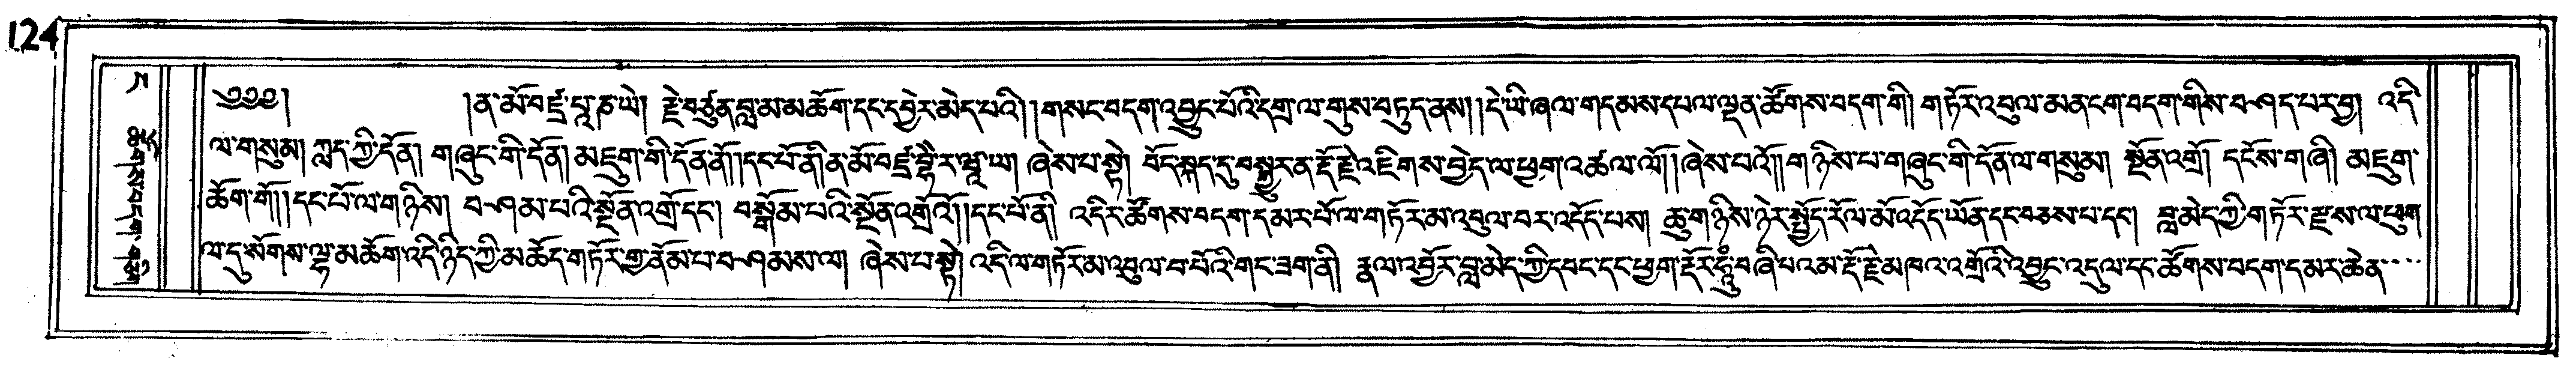༄༅༅། །ན་མོ་བྫྲ་པཱ་ཎ་ཡེ། རྗེ་བཙུན་བླ་མ་མཆོག་དང་དབྱེར་མེད་པའི། །གསང་བདག་འབྱུང་པོའི་དགྲ་ལ་གུས་བཏུད་ནས། །དེ་ཡི་ཞལ་གདམས་དཔལ་ལྡན་ཚོགས་བདག་གི། གཏོར་འབུལ་མན་ངག་བདག་གིས་བཤད་པར་བྱ། འདི་
ལ་གསུམ། ཀླད་ཀྱི་དོན། གཞུང་གི་དོན། མཇུག་གི་དོན་ནོ། །དང་པོ་ནི། ན་མོ་བྫྲ་བྷཻ་ར་ཝཱ་ཡ། ཞེས་པ་སྟེ། བོད་སྐད་དུ་བསྒྱུར་ན་རྡོ་རྗེ་འཇིགས་བྱེད་ལ་ཕྱག་འཚལ་ལོ། །ཞེས་པའོ། །གཉིས་པ་གཞུང་གི་དོན་ལ་གསུམ། སྔོན་འགྲོ། དངོས་གཞི། མཇུག་
ཆོག་གོ། །དང་པོ་ལ་གཉིས། བཤམ་པའི་སྔོན་འགྲོ་དང་། བསྒོམ་པའི་སྔོན་འགྲོའོ། །དང་པོ་ནི། འདིར་ཚོགས་བདག་དམར་པོ་ལ་གཏོར་མ་འབུལ་བར་འདོད་པས། ཆུ་གཉིས་ཉེར་སྤྱོད་རོལ་མོ་འདོད་ཡོན་དང་བཅས་པ་དང་། བླ་མེད་ཀྱི་གཏོར་རྫས་ལ་ཕུག་
ལ་དུ་སོགས་ལྷ་མཆོག་འདི་ཉིད་ཀྱི་མཆོད་གཏོར་གྱ་ནོམ་པ་བཤམས་ལ། ཞེས་པ་སྟེ། འདི་ལ་གཏོར་མ་འབུལ་བ་པོའི་གང་ཟག་ནི། རྣལ་འབྱོར་བླ་མེད་ཀྱི་དབང་དང་ཕྱག་རྡོར་ཧཱུཾ་བཞི་པའམ་རྡོ་རྗེ་མཁའ་འགྲོའི་འབྱུང་འདུལ་དང་ཚོགས་བདག་དམར་ཆེན་